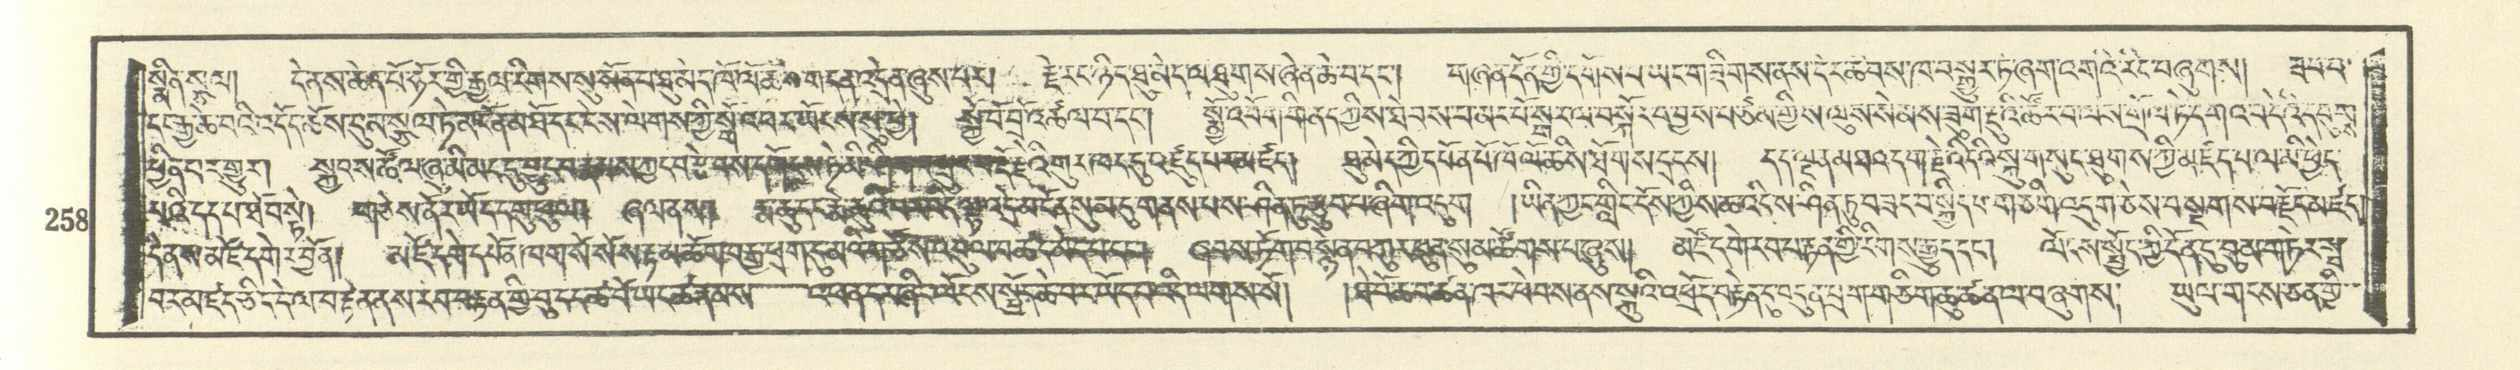སྨིན་སྩལ། དེ་ནས་ཆེན་པོ་ཧོར་གྱི་རྒྱལ་རིགས་སུ་སོན་པ་ཐུ་མེད་ཁོ་ལོ་ཚིག་གདན་འདྲེན་ཞུས་པར། རྗེ་རང་ཉིད་ཐུ་མེད་ལ་ཐུགས་ཞེན་ཆེ་བ་དང་། གཞན་དོན་གྱི་དགོས་པ་ཡང་གཟིགས་ནས་དེར་ཆིབས་ཁ་བསྒྱུར་ཏེ་ཞག་འགའི་རིང་བཞུགས། ཟབ་པ་
དང་རྒྱ་ཆེ་བའི་འདོད་ཆོས་དུ་མ་སྩལ་ཏེ་མངོན་མཐོ་དང་ངེས་ལེགས་ཀྱི་སྒོ་འཕར་ཡོངས་སུ་ཕྱེ། སྐྱེ་བོ་བྲོ་འཚལ་བ་དང་། སྨྱོ་འབོག་གི་ནད་ཀྱིས་ཐེབས་པ་མང་པོ་སྒར་ལ་བསྐོར་བ་བྱས་པ་ཙམ་གྱིས་ལུས་སེམས་ཟུག་རྡུའི་ཚོར་བ་ལས་གྲོལ་ཏེ་དགའ་བདེའི་དབུགས་
ཕྱིན་པར་གྱུར། སྐྱབས་ཚོལ་ཞུ་མི་མང་དུ་བྱུང་བ་རྣམས་ཀྱང་བརྩེ་བས་དགོངས་ཏེ་མི་ཤིག་བསྲུང་བ་རྡོ་རྗེའི་གུར་ཁང་དུ་འཛུད་པར་མཛད། ཐུ་མེད་ཀྱི་དཔོན་པོ་ཁོ་ལོ་ཆིས་ཐོགས་དྲངས། དད་ལྡན་མཐའ་དག་རྗེ་འདིའི་སྐུ་གསུང་ཐུགས་ཀྱི་མཛད་པ་ལ་མི་ཕྱེད་
པའི་དད་པ་ཐོབ་སྟེ། གཅེས་ནོར་ཡོད་དགུ་ཕུལ། ཞལ་ནས། རྨ་ཆུ་དང་རྨེ་ཆུའི་བར་འདི་ལྷ་འདྲེ་མངོན་སུམ་དུ་གནས་པས་ཤིན་ཏུ་རྩུབ་པ་ཞིག་འདུག །ཡིན་ཀྱང་གླིང་དོས་ཀྱིས་ཆ་འདིས་ཤིན་ཏུ་བཟང་བ་སྐྱིད་པ་གཅིག་འདུག་ཅེས་བསྔགས་བརྗོད་མཛད་
དེ་ནས་མཛོ་དགེར་བྱོན། མཛོ་དགེ་དཔོན་ཁག་སོ་སོས་རྟ་མཆོག་བརྒྱ་ཕྲག་དུ་མའི་གཙོས་འབུལ་བ་ཚད་མེད་པ་དང་། ཞབས་ཏོག་བསྙེན་བཀུར་ཕུན་སུམ་ཚོགས་པ་ཞུས། མཛོ་དགེ་རབ་བརྟན་གྱི་རིགས་རྒྱུད་དང་། ལོངས་སྤྱོད་ཀྱི་དོན་དུ་བུ་མ་གཏེར་སྦ་
བར་མཛད་ཅིང་དེ་ལ་བརྟེན་ནས་རབ་བརྟན་གྱི་བུ་དང་ཚ་བོ་ཡང་ཚ་རྣམས་འཕན་དར་ཞིང་ལོངས་སྤྱོད་ཆེ་བར་ཡོད་པ་འདི་ལགས་སོ། །ཐེ་བོ་ཆ་བ་ཚན་ཁང་ཕེབས་ནས་སྐུའི་འཕྲོད་བརྟེན་དུ་བདུན་ཕྲག་གཅིག་ཆུ་ཚན་ལ་བཞུགས། ཡུལ་གངས་ཅན་གྱི་